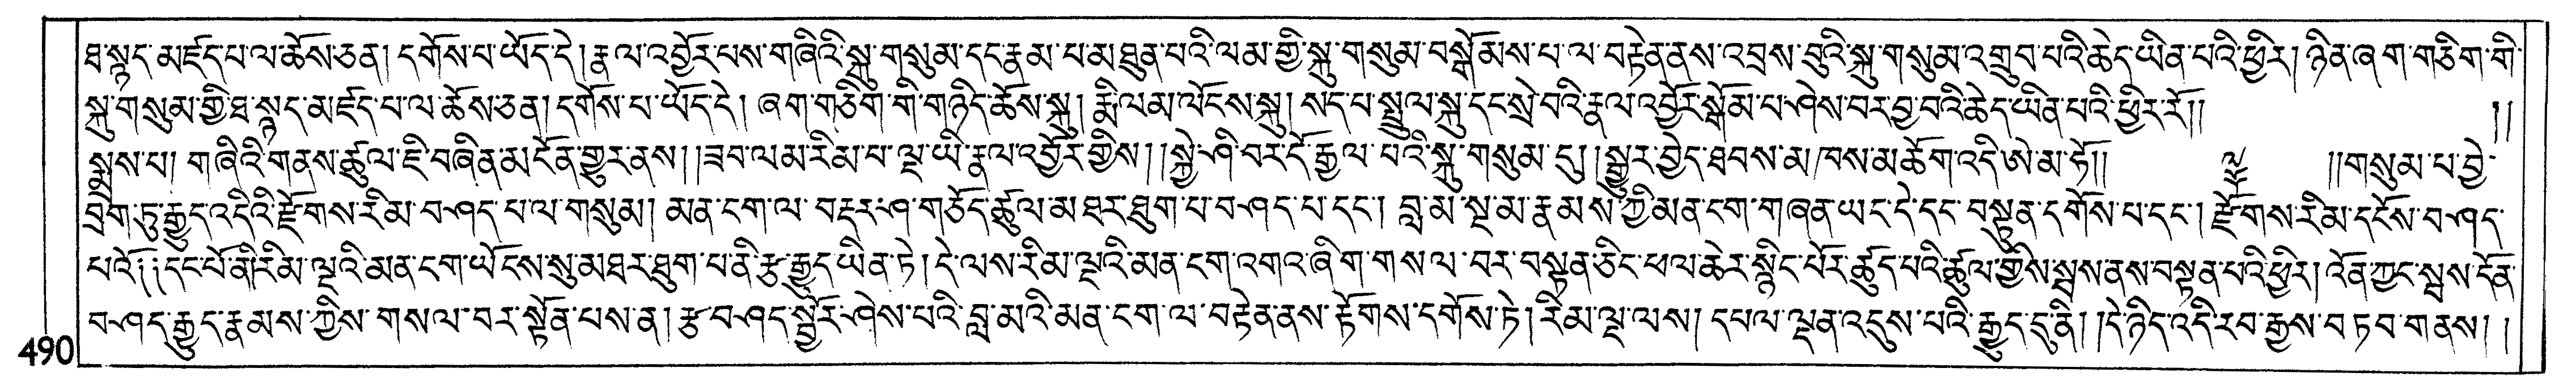ཐ་སྙད་མཛད་པ་ལ་ཆོས་ཅན། དགོས་པ་ཡོད་དེ། རྣལ་འབྱོར་པས་གཞིའི་སྐུ་གསུམ་དང་རྣམ་པ་མཐུན་པའི་ལམ་གྱི་སྐུ་གསུམ་བསྒོམས་པ་ལ་བརྟེན་ནས་འབྲས་བུའི་སྐུ་གསུམ་འགྲུབ་པའི་ཆེད་ཡིན་པའི་ཕྱིར། ཉིན་ཞག་གཅིག་གི་
སྐུ་གསུམ་གྱི་ཐ་སྙད་མཛད་པ་ལ་ཆོས་ཅན། དགོས་པ་ཡོད་དེ། ཞག་གཅིག་གི་གཉིད་ཆོས་སྐུ། རྨི་ལམ་ལོངས་སྐུ། སད་པ་སྤྲུལ་སྐུ་དང་སྲེ་བའི་རྣལ་འབྱོར་སྒོམ་པ་ཤེས་པར་བྱ་བའི་ཆེད་ཡིན་པའི་ཕྱིར་རོ།། །།
སྨྲས་པ། གཞིའི་གནས་ཚུལ་ཇི་བཞིན་མངོན་གྱུར་ནས། །ཟབ་ལམ་རིམ་པ་ལྔ་ཡི་རྣལ་འབྱོར་གྱིས། །སྐྱེ་ཤི་བར་དོ་རྒྱལ་བའི་སྐུ་གསུམ་དུ། །སྒྱུར་བྱེད་ཐབས་མཁས་མཆོག་འདི་ཨེ་མ་ཧོ།། ༈ །།གསུམ་པ་བྱེ་
བྲག་ཏུ་རྒྱུད་འདིའི་རྫོགས་རིམ་བཤད་པ་ལ་གསུམ། མན་ངག་ལ་བརྡར་ཤ་གཅོད་ཚུལ་མཐར་ཐུག་པ་བཤད་པ་དང་། བླ་མ་སྔ་མ་རྣམས་ཀྱི་མན་ངག་གཞན་ཡང་དེ་དང་བསྟུན་དགོས་པ་དང་། རྫོགས་རིམ་དངོས་བཤད་
པའོ༑ ༑དང་པོ་ནི། རིམ་ལྔའི་མན་ངག་ཡོངས་སུ་མཐར་ཐུག་པ་ནི་རྩ་རྒྱུད་ཡིན་ཏེ། དེ་ལས་རིམ་ལྔའི་མན་ངག་འགའ་ཞིག་གསལ་བར་བསྟན་ཅིང་ཕལ་ཆེར་སྙིང་པོར་ཚུད་པའི་ཚུལ་གྱིས་སྦས་ནས་བསྟན་པའི་ཕྱིར། འོན་ཀྱང་སྦས་དོན་
བཤད་རྒྱུད་རྣམས་ཀྱིས་གསལ་བར་སྟོན་པས་ན། རྩ་བཤད་སྦྱོར་ཤེས་པའི་བླ་མའི་མན་ངག་ལ་བརྟེན་ནས་རྟོགས་དགོས་ཏེ། རིམ་ལྔ་ལས། དཔལ་ལྡན་འདུས་པའི་རྒྱུད་དུ་ནི། །དེ་ཉིད་འདི་རབ་རྒྱས་བཏབ་གནས།།